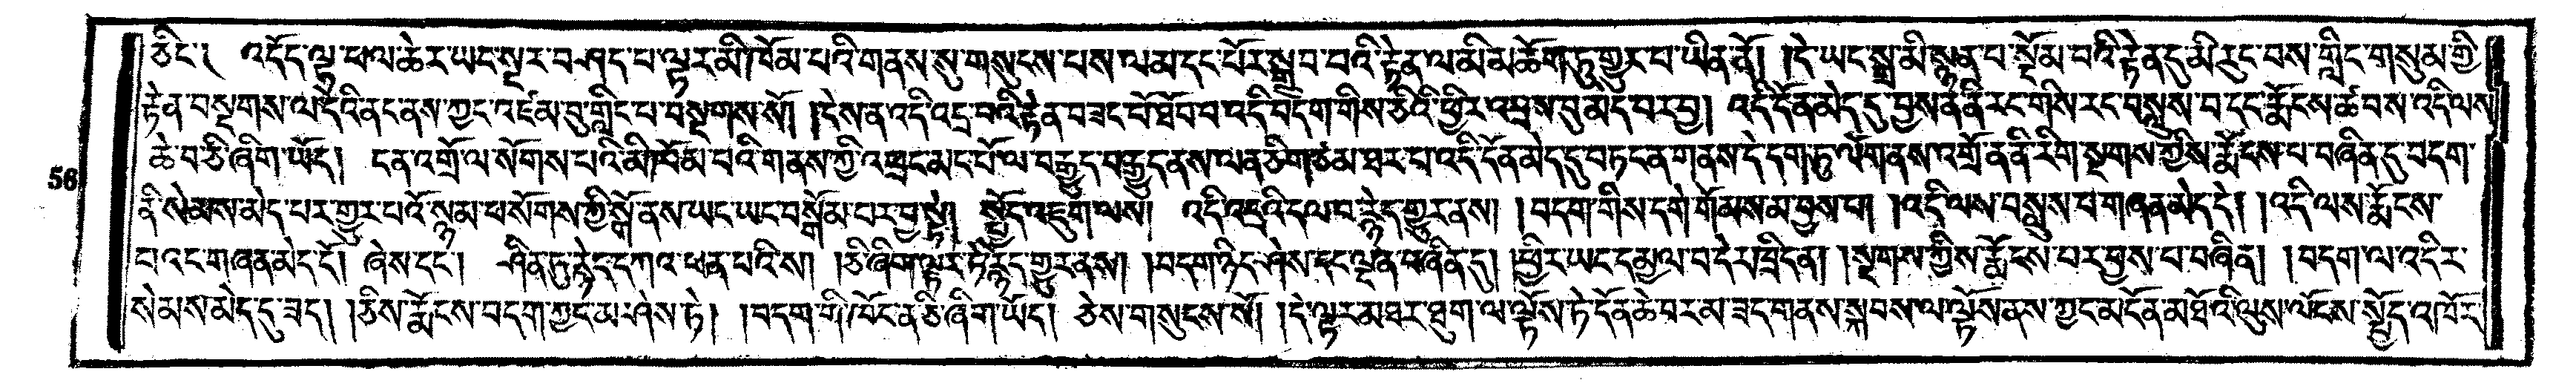ཅིང༑ འདོད་ལྟ་ཕལ་ཆེར་ཡང་སྔར་བཤད་པ་ལྟར་མི་ཁོམ་པའི་གནས་སུ་གསུངས་པས་ལམ་དང་པོར་སྒྲུབ་བའི་རྟེན་ལ་མི་མཆོག་ཏུ་གྱུར་པ་ཡིན་ནོ། །དེ་ཡང་སྒྲ་མི་སྙན་པ་སྔོམ་པའི་རྟེན་དུ་མི་རུང་བས་གླིང་གསུམ་གྱི་
རྟེན་བསྔགས་ལ་དེའི་ནང་ནས་ཀྱང་འཛམ་བུ་གླིང་པ་བསྔགས་སོ། །དེས་ན་འདི་འདྲ་བའི་རྟེན་བཟང་པོ་ཐོབ་བ་འདི་བདག་གིས་ཅིའི་ཕྱིར་འབྲས་བུ་མེད་བར་བྱ། འདི་དོན་མེད་དུ་བྱས་ན་ནི་རང་གིས་རང་བསླུས་བ་དང་རྨོངས་ཚབས་འདི་ལས་
ཆེ་བ་ཅི་ཞིག་ཡོད། ངན་འགྲོ་ལ་སོགས་པའི་མི་ཁོམ་པའི་གནས་ཀྱི་འཕྲང་མང་པོ་ལ་བརྒྱུད་བརྒྱུད་ནས་ལན་ཅིག་ཙམ་ཐར་པ་འདི་དོན་མེད་དུ་བཏང་ན་གནས་དེ་དག་ཏུ་ལོག་ནས་འགྲོ་ན་ནི་རིག་སྔགས་ཀྱིས་རྨོངས་པ་བཞིན་དུ་བདག་
ནི་སེམས་མེད་པར་གྱུར་པའོ་སྙམ་ཕ་སོགས་ཀྱི་སྒོ་ནས་ཡང་ཡང་བསྒོམ་པར་བྱ་སྟེ། སྤྱོད་འཇུག་ལས། འདི་འདྲའི་དལ་བ་རྙེད་གྱུར་ནས། །བདག་གིས་དགེ་གོམས་མ་བྱས་པ། །འདི་ལས་བསླུས་པ་གཞན་མེད་དེ། །འདི་ལས་རྨོངས་
པའང་གཞན་མེད་དོ། ཞེས་དང་། ཤིན་ཏུ་རྙེད་དཀའ་ཕན་པའི་ས། །ཅི་ཞིག་ལྟར་ཏེ་རྙེད་གྱུར་ནས། །བདག་ཉིད་ཤེས་དང་ལྡན་བཞིན་དུ། །ཕྱིར་ཡང་དམྱལ་བ་དེར་ཁྲིད་ན། །སྔགས་ཀྱིས་རྨོངས་བར་བྱས་པ་བཞིན། །བདག་ལ་འདིར་
སེམས་མེད་དུ་ཟད། །ཅིས་རྨོངས་བདག་ཀྱང་མ་ཤེས་ཏེ། །བདག་གི་ཁོང་ན་ཅི་ཞིག་ཡོད། ཅེས་གསུངས་སོ། །དེ་ལྟར་མཐར་ཐུག་ལ་ལྟོས་ཏེ་དོན་ཆེ་བར་མ་ཟད་གནས་སྐབས་ལ་ལྟོས་ནས་ཀྱང་མངོན་མཐོའི་ལུས་ལོངས་སྤྱོད་འཁོར་